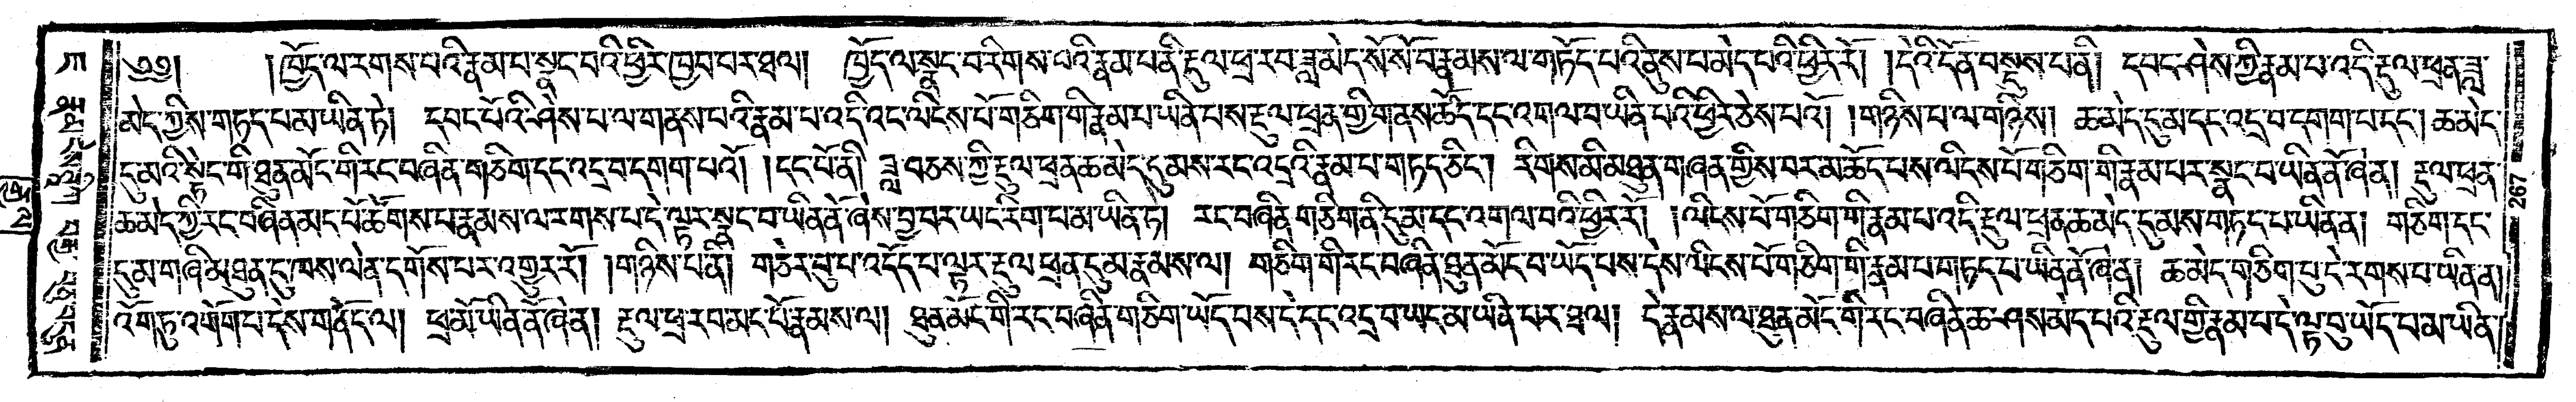༄༅། །ཁྱོད་ལ་རགས་པའི་རྣམ་པ་སྣང་བའི་ཕྱིར་ཁྱབ་པར་ཐལ། ཁྱོད་ལ་སྣང་བ་རིགས་པའི་རྣམ་པ་ནི་རྡུལ་ཕྲ་རབ་ཟླ་མེད་སོ་སོ་བ་རྣམས་ལ་གཏོད་པའི་ནུས་པ་མེད་པའི་ཕྱིར་རོ། །དེའི་དོན་བསྡུས་པ་ནི། དབང་ཤེས་ཀྱི་རྣམ་པ་འདི་རྡུལ་ཕྲན་ཟླ་
མེད་ཀྱིས་གཏད་པ་མ་ཡིན་ཏེ། དབང་པོའི་ཤེས་པ་ལ་གནས་པའི་རྣམ་པ་འདི་འང་ལིངས་པོ་གཅིག་གི་རྣམ་པ་ཡིན་པས་རྡུལ་ཕྲན་གྱི་གནས་ཚོད་དང་འགལ་བ་ཡིན་པའི་ཕྱིར་ཅེས་པའོ། །གཉིས་པ་ལ་གཉིས། ཆ་མེད་དུ་མ་དང་འདྲ་བ་དགག་པ་དང་། ཆ་མེད་
དུ་མའི་སྟེང་གི་ཐུན་མོང་གི་རང་བཞིན་གཅིག་དང་འདྲ་བ་དགག་པའོ། །དང་པོ་ནི། ཟླ་བཅས་ཀྱི་རྡུལ་ཕྲན་ཆ་མེད་དུ་མས་རང་འདྲའི་རྣམ་པར་གཏད་ཅིང་། རིགས་མི་མཐུན་གཞེན་གྱིས་བར་མ་ཆོད་པས་ལིངས་པོ་གཅིག་གི་རྣམ་པར་སྣང་བ་ཡིན་ནོ་ཞེ་ན། རྡུལ་ཕྲན་
ཆ་མེད་ཀྱི་རང་བཞིན་མང་པོ་ཚོགས་པ་རྣམས་ལ་རགས་པ་དེ་ལྟར་སྣང་བ་ཡིན་ནོ་ཞེས་བྱ་བར་ཡང་རིག་པ་མ་ཡིན་ཏེ། རང་བཞིན་གཅིག་ནི་དུ་མ་དང་འགལ་བའི་ཕྱིར་རོ། །ལིངས་པོ་གཅིག་གི་རྣམ་པ་འདི་རྡུལ་ཕྲན་ཆ་མེད་དུ་མས་གཏད་པ་ཡིན་ན། གཅིག་དང་
དུ་མ་གཞི་མཐུན་དུ་ཁས་ལེན་དགོས་པར་འགྱུར་རོ། །གཉིས་པ་ནི། གཅེར་བུ་པ་འདོད་པ་ལྟར་རྡུལ་ཕྲན་དུ་མ་རྣམས་ལ། གཅིག་གི་རང་བཞིན་ཐུན་མོང་བ་ཡོད་པས་དེས་ལིངས་པོ་གཅིག་གི་རྣམ་པ་གཏད་པ་ཡིན་ནོ་ཞེ་ན། ཆ་མེད་གཅིག་པུ་དེ་རགས་པ་ཡིན་ན།
འོག་ཏུ་འགོག་པ་དེས་གནོད་ལ། ཕྲ་མོ་ཡིན་ནོ་ཞེ་ན། རྡུལ་ཕྲ་རབ་མང་པོ་རྣམས་ལ། ཐུན་མོང་གི་རང་བཞིན་གཅིག་ཡོད་པས་དེ་དང་འདྲ་བ་ཡང་མ་ཡིན་པར་ཐལ། དེ་རྣམས་ལ་ཐུན་མོང་གི་རང་བཞིན་ཆ་ཤས་མེད་པའི་རྡུལ་གྱི་རྣམ་པ་དེ་ལྟ་བུ་ཡོད་པ་མ་ཡིན་